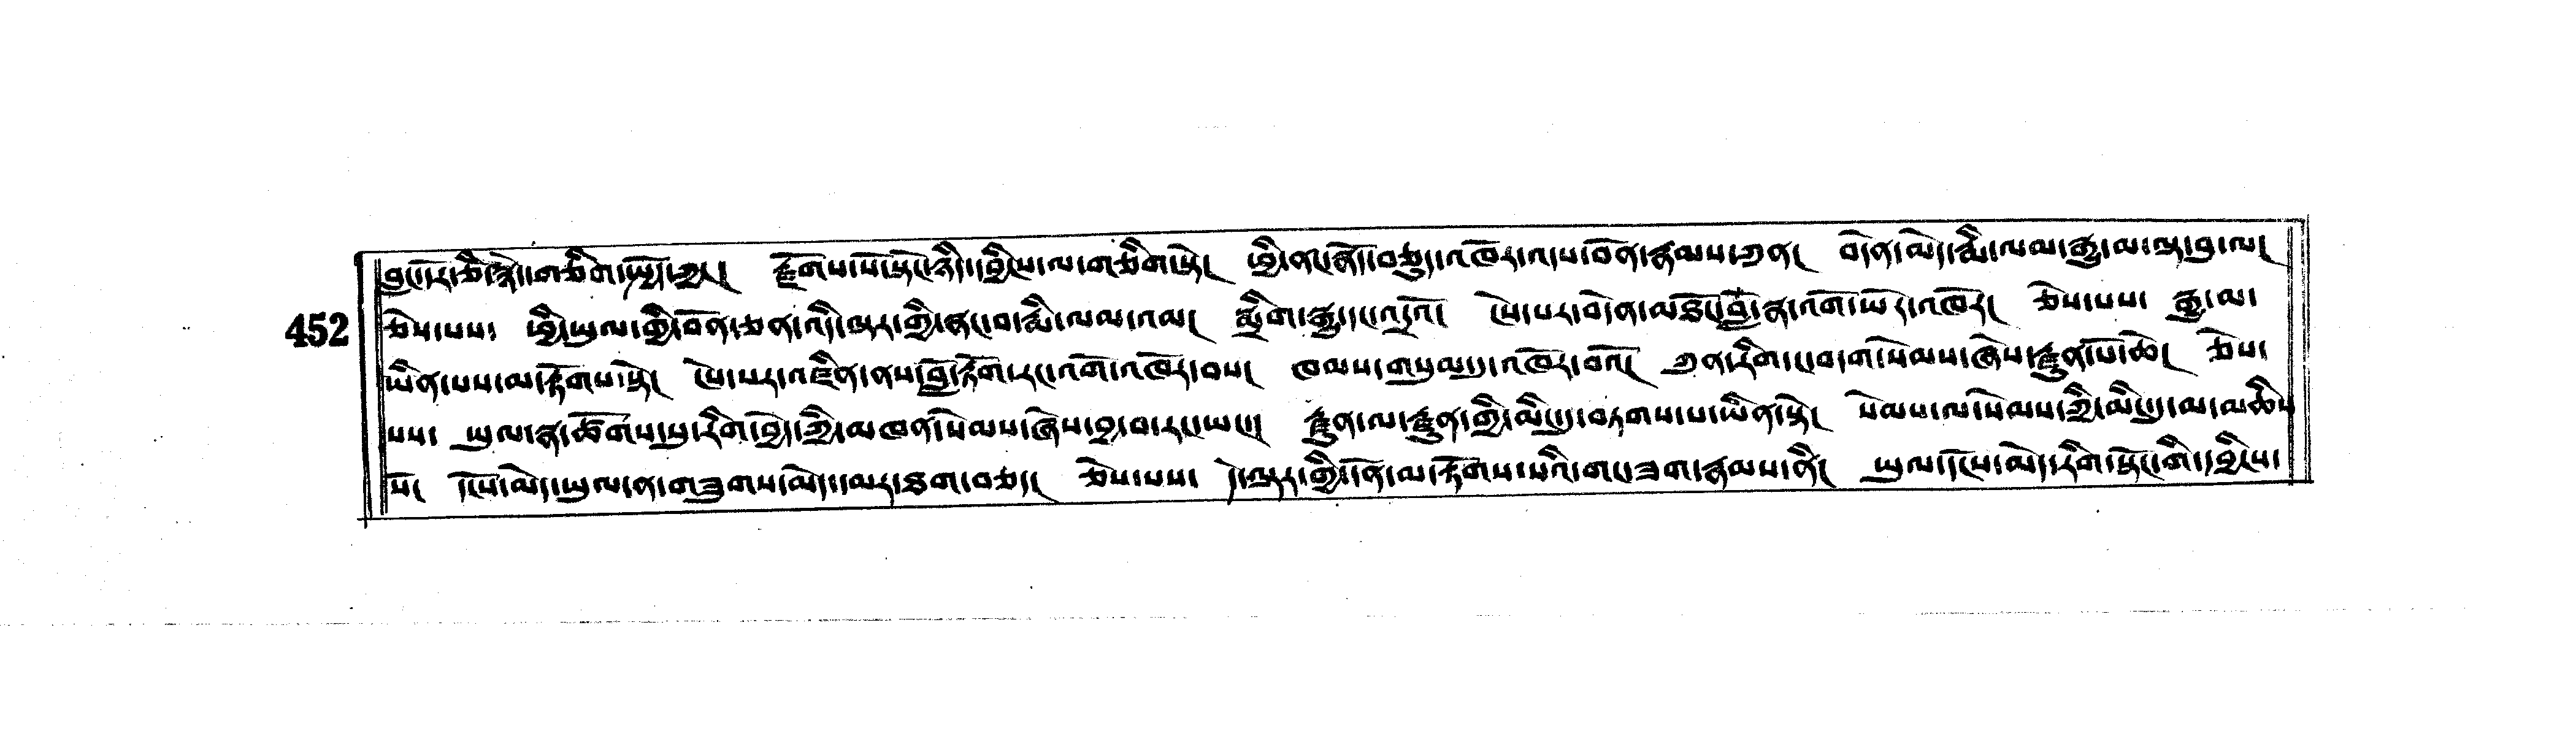བླང་དོར་ཅི་སྙེད་ཅིག་སྤྱོད་ཀྱང་། རྫོགས་སོ་སྟོང་ཉིད་དབྱིངས་ལ་གཅིག་སྟེ། ཕྱི་ནང་སྣོད་བཅུད་འཁོར་འདས་བོན་རྣམས་ཀུན། བདེན་མེད་རྨི་ལམ་སྒྱུ་མ་ལྟ་བུ་ལ། 
ཅེས་པས། ཕྱི་ཡུལ་གྱི་བོན་ཅན་འདི་ལྟར་གྱི་སྣང་བ་རྨི་ལམ་མམ། སྨྲིག་སྒྱུ་དང་འདྲའོ། ངེས་པར་བདེན་མཐོང་བློ་སྣ་འགོ་ཡོར་འཁོར། ཅེས་པས། སྒྱུ་མ་
ཡིན་པས་མ་རྟོགས་ཏེ། ངེས་པར་འཛིན་ནས་བློ་རྟོག་རང་འགོ་འཁོར་བས། ཁམས་གསུམ་དུ་འཁོར་བའོ། ཀུན་རིག་ང་བདག་སེམས་ཞེས་རྫུན་པོ་ཆེ། ཅེས་
པས། ཡུལ་སྣ་ཚོགས་སུ་རིག་བྱེད་ཀྱི་མཁན་སེམས་ཞེས་བྱ་བ་རང་ཡང་། རྫུན་ལ་རྫུན་གྱི་མིང་དུ་བཏགས་པ་ཡིན་ཏེ། སེམས་ལ་སེམས་ཀྱི་མིང་དུ་མ་མཆིས་
སོ། དངོས་མེད་ཡུལ་ན་གཟུགས་མེད་དམར་ཐག་བཅད། ཅེས་པས། དེ་ལྟར་གྱི་དོན་མ་རྟོགས་པའི་གང་ཟག་རྣམས་ནི། ཡུལ་དངོས་མེད་རིག་སྟོང་གི་དབྱིངས་